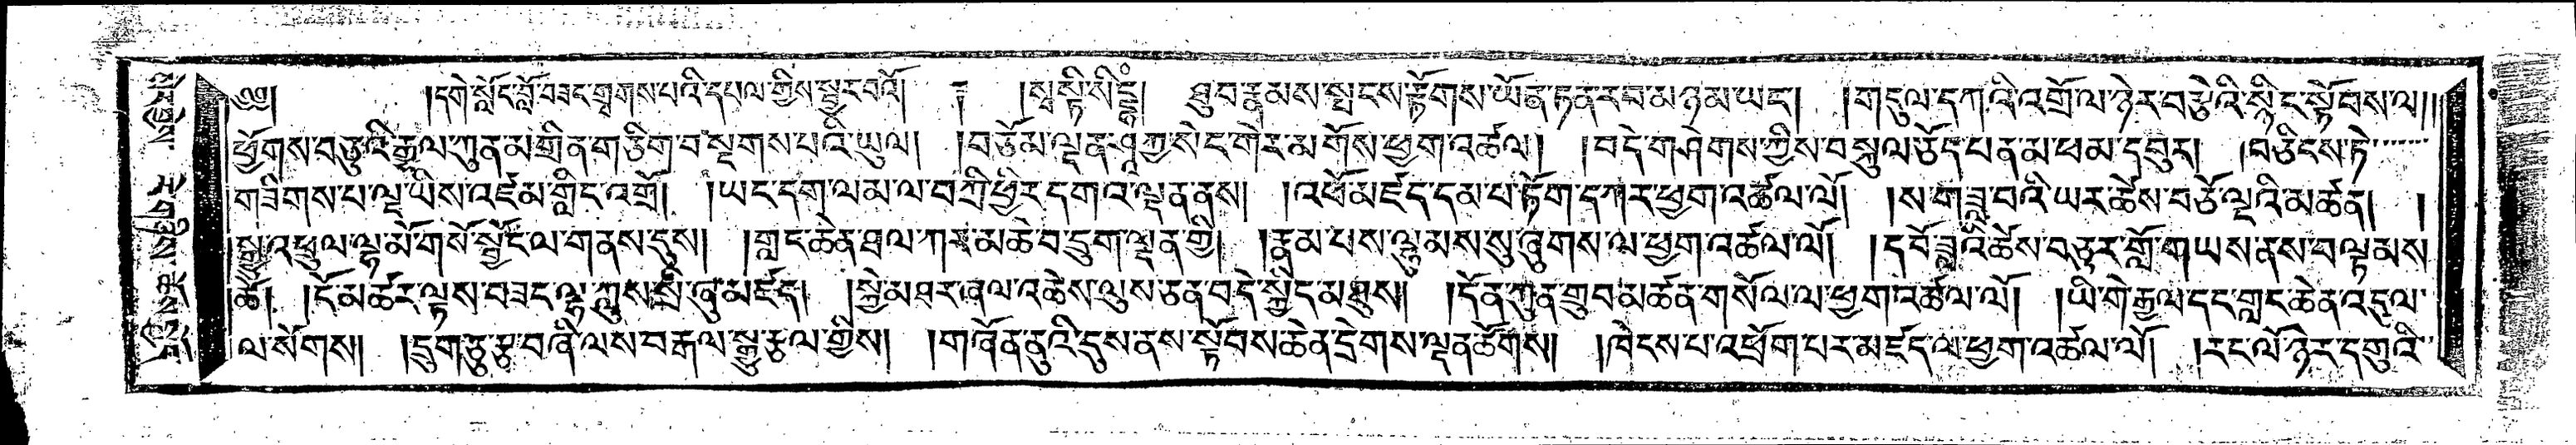༄༅། །དགེ་སློང་བློ་བཟང་གྲྭགས་པའི་དཔལ་གྱིས་སྦྱར་བའོ། ༈ །སྭ་སྟི་སིདྡྷཾ། ཐུབ་རྣམས་སྤངས་རྟོགས་ཡོན་ཏན་རབ་མཉམ་ཡང་། །གདུལ་དཀའི་འགྲོ་ལ་ཉེར་བརྩེའི་སྙིང་སྟོབས་ལ། །
ཕྱོགས་བཅུའི་རྒྱལ་ཀུན་མགྲིན་གཅིག་བསྔགས་པའི་ཡུལ། །བཅོམ་ལྡན་ཤཱཀྱ་སེང་གེར་མགོས་ཕྱག་འཚལ། །བདེ་གཤེགས་ཀྱིས་བསྐུལ་ཅོད་པན་མ་ཕམ་དབུར། །བཅིངས་ཏེ་
གཟིགས་པ་ལྔ་ཡིས་འཛམ་གླིང་འགྲོ། །ཡང་དག་ལམ་ལ་བཀྲི་ཕྱིར་དགའ་ལྡན་ནས། །འཕོ་མཛད་དམ་པ་ཏོག་དཀར་ཕྱག་འཚལ་ལོ། །ས་ག་ཟླ་བའི་ཡར་ཚེས་བཅོ་ལྔའི་མཚན། །
སྒྱུ་འཕྲུལ་ལྷ་མོ་གསོ་སྦྱོང་ལ་གནས་དུས། །གླང་ཆེན་ཐལ་ཀར་མཆེ་བ་དྲུག་ལྡན་གྱི། །རྣམ་པས་ལྷུམས་སུ་ཞུགས་ལ་ཕྱག་འཚལ་ལོ། །དབོ་ཟླའི་ཚེས་བཅུར་གློ་གཡས་ནས་བལྟམས་
ཚེ། །ངོ་མཚར་ལྟས་བཟང་ལྷ་ཀླུས་སྲི་ཞུ་མཛད། །སྐྱེ་མཐར་ཞལ་འཆེས་ལུས་ཅན་བདེ་སྐྱིད་མཐུས། །དོན་ཀུན་གྲུབ་མཚན་གསོལ་ལ་ཕྱག་འཚལ་ལོ། །ཡི་གེ་རྒྱལ་དང་གླང་ཆེན་འདུལ་
ལ་སོགས། །དྲུག་ཅུ་རྩ་བཞི་ལས་བརྒལ་སྒྱུ་རྩལ་གྱིས། །གཞོན་ནུའི་དུས་ནས་སྟོབས་ཆེན་དྲེགས་ལྡན་ཚོགས། །ཁེངས་པ་འཕྲོག་པར་མཛད་ལ་ཕྱག་འཚལ་ལོ། །རང་ལོ་ཉེར་དགུའི་